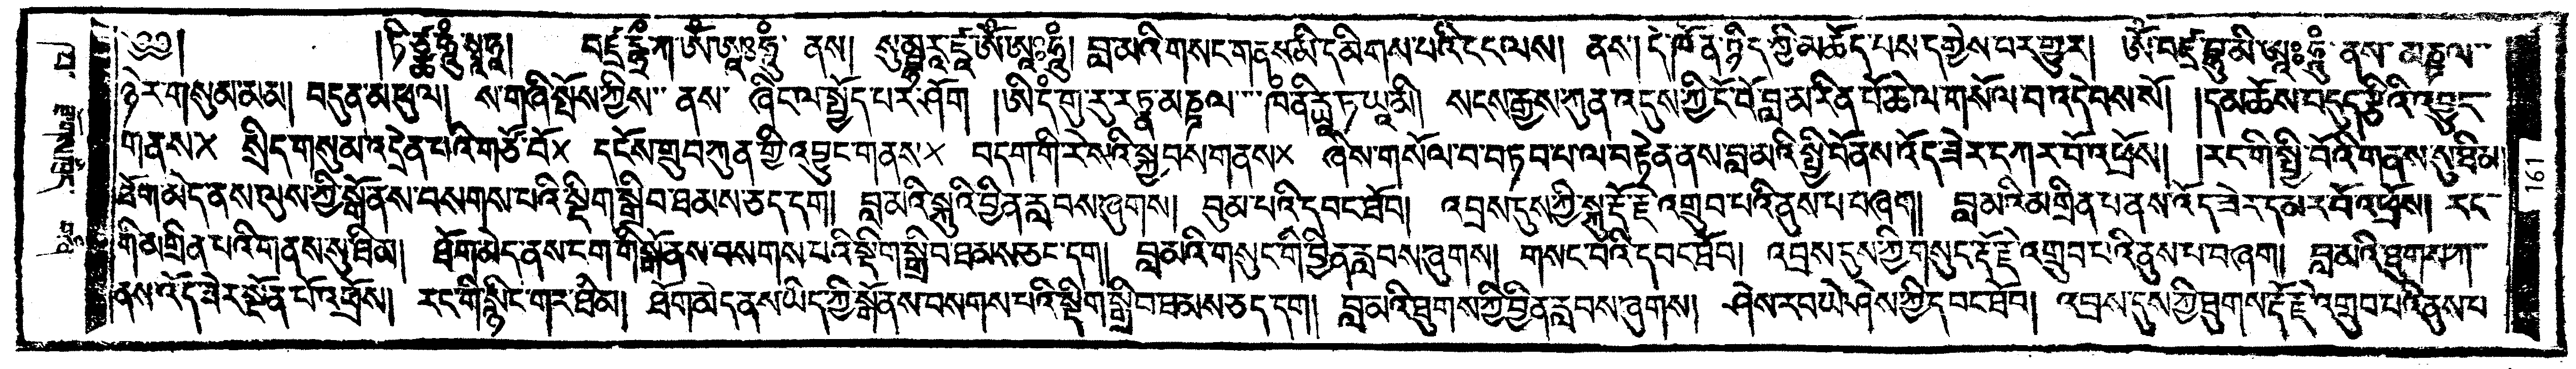༄༅། །ཏིཙྪ་ཧཱུཾ་སྭཱཧཱ། བཛྲ་དྷྲྀ་ཀ་ཨོཾ་ཨཱཿཧཱུཾ་ནས། སུམྦྷ་རཱ་ཛཱ་ཨོཾ་ཨཱཿཧཱུཾ། བླ་མའི་གསང་གནས་མི་དམིགས་པའི་ངང་ལས། ནས། དེ་ཁོ་ན་ཉིད་ཀྱི་མཆོད་པས་དགྱེས་བར་གྱུར། ཨོཾ་བཛྲ་བྷུ་མི་ཨཱཿཧཱུཾ་ནས་མཎྜལ་
ཉེར་གསུམ་མམ། བདུན་མ་ཕུལ། ས་གཞི་སྤོས་ཀྱིས་ནས་ཞིང་ལ་སྤྱོད་པར་ཤོག །ཨི་དཾ་གུ་རུ་རཏྣ་མཎྜལ་ཁཾ་ནིརྱཱ་ཏ་ཡཱ་མི། སངས་རྒྱས་ཀུན་འདུས་ཀྱི་ངོ་བོ་བླ་མ་རིན་པོ་ཆེ་ལ་གསོལ་བ་འདེབས་སོ། །དམ་ཆོས་བདུད་རྩིའི་འབྱུང་
གནས་྾་སྲིད་གསུམ་འདྲེན་པའི་གཙོ་བོ་྾་དངོས་གྲུབ་ཀུན་གྱི་འབྱུང་གནས་྾་བདག་གི་རེ་སའི་སྐྱབས་གནས་྾་ཞེས་གསོལ་བ་བཏབ་པ་ལ་བརྟེན་ནས་བླ་མའི་སྤྱི་བོ་ནས་འོད་ཟེར་དཀར་པོ་འཕྲོས། །རང་གི་སྤྱི་བོའི་གནས་སུ་ཐིམ།
ཐོག་མེད་ནས་ལུས་ཀྱི་སྒོ་ནས་བསགས་པའི་སྡིག་སྒྲིབ་ཐམས་ཅད་དག། བླ་མའི་སྐུའི་བྱིན་རླབས་ཞུགས། བུམ་པའི་དབང་ཐོབ། འབྲས་དུས་ཀྱི་སྐུ་རྡོ་རྗེ་འགྲུབ་པའི་ནུས་པ་བཞག། བླ་མའི་མགྲིན་པ་ནས་འོད་ཟེར་དམར་པོ་འཕྲོས། རང་
གི་མགྲིན་པའི་གནས་སུ་ཐིམ། ཐོག་མེད་ནས་ངག་གི་སྒོ་ནས་བསགས་པའི་སྡིག་སྒྲིབ་ཐམས་ཅད་དག། བླ་མའི་གསུང་གི་བྱིན་རླབས་ཞུགས། གསང་བའི་དབང་ཐོབ། འབྲས་དུས་ཀྱི་གསུང་རྡོ་རྗེ་འགྲུབ་པའི་ནུས་པ་བཞག། བླ་མའི་ཐུགས་ཀ་
ནས་འོད་ཟེར་སྔོན་པོ་འཕྲོས། རང་གི་སྙིང་གར་ཐིམ། ཐོག་མེད་ནས་ཡིད་ཀྱི་སྒོ་ནས་བསགས་པའི་སྡིག་སྒྲིབ་ཐམས་ཅད་དག། བླ་མའི་ཐུགས་ཀྱི་བྱིན་རླབས་ཞུགས། ཤེས་རབ་ཡེ་ཤེས་ཀྱི་དབང་ཐོབ། འབྲས་དུས་ཀྱི་ཐུགས་རྡོ་རྗེ་འགྲུབ་པའི་ནུས་པ་